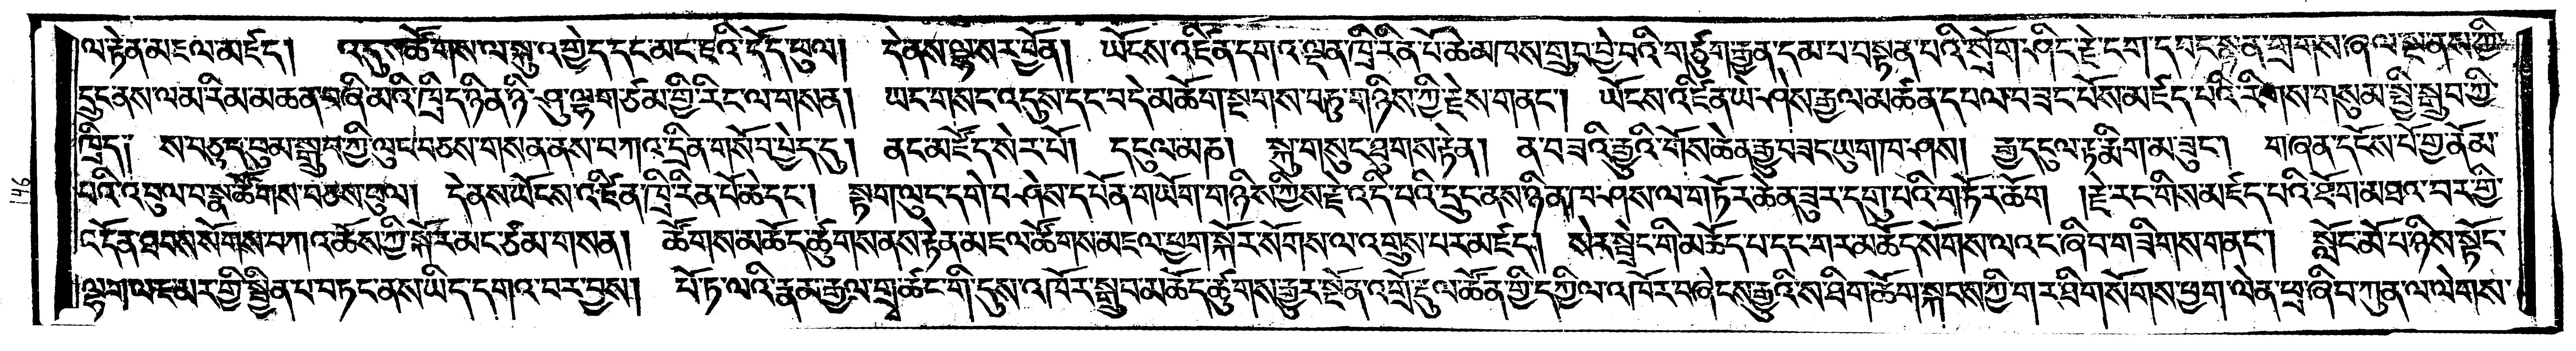ལ་རྟེན་མཇལ་མཛད། འདུས་ཚོགས་ལ་སྐུ་འགྱེད་དང་མང་ཇའི་དོད་ཕུལ། དེ་ནས་ལྷ་སར་བྱོན། ཡོངས་འཛིན་དགའ་ལྡན་ཁྲི་རིན་པོ་ཆེ་མཁས་གྲུབ་བྱེ་བའི་གཙུག་རྒྱན་དམ་པ་བསྟན་བའི་སྲོག་ཤིང་རྗེ་ངག་དབང་སྙན་གྲགས་ཞལ་སྔ་ནས་ཀྱི་
དྲུང་ནས་ལམ་རིམ་མཆན་བཞི་མའི་ཁྲིད་ཉིན་ཉི་ཤུ་ལྷག་ཙམ་གྱི་རིང་ལ་གསན། ཡང་གསང་འདུས་དང་བདེ་མཆོག་སྔགས་བཏུ་གཉིས་ཀྱི་རྗེས་གནང་། ཡོངས་འཛིན་ཡེ་ཤེས་རྒྱལ་མཚན་དཔལ་བཟང་པོས་མཛད་པའི་རིགས་གསུམ་སྤྱི་སྒྲུབ་ཀྱི་
ཁྲིད༑ ས་བཅུད་བུམ་སྒྲུབ་ཀྱི་ལུང་བཅས་གསན་ནས་བཀའ་དྲིན་གསོབ་བྱེད་དུ། ནང་མཛོད་སེར་པོ། དངུལ་མཎ། སྐུ་གསུང་ཐུགས་རྟེན། ན་བཟའི་རྒྱུའི་གོས་ཆེན་རྒྱུ་བཟང་ཡུག་ཁ་ཤས། རྒྱ་དངུལ་རྟ་རྨིག་མ་ཟུང་། གཞན་དངོས་པོ་གྱ་ནོམ་
པའི་འབུལ་བ་སྣ་ཚོགས་བཅས་ཕུལ། དེ་ནས་ཡོངས་འཛིན་ཁྲི་རིན་པོ་ཆེ་དང་། སྟག་ལུང་དགེ་བཤེས་དཔོན་གཡོག་གཉིས་ཀྱིས་རྗེ་འདི་པའི་དྲུང་ནས་ཉིན་ཁ་ཤས་ལ་གཏོར་ཆེན་ཟུར་དགུ་པའི་གཏོར་ཆོག །རྗེ་རང་གིས་མཛད་པའི་ཐོག་མཐའ་བར་གྱི་
འདོན་ཐབས་སོགས་བཀའ་ཆོས་ཀྱི་སྐོར་མང་ཙམ་གསན། ཚོགས་མཆོད་ཚུགས་ནས་རྟེན་མཇལ་ཚོགས་མཇལ་ཕྱག་སྐོར་སོགས་ལ་འགྲུས་པར་མཛད། སེར་སྦྲེང་གི་མཆོད་པ་དང་གར་མཆོད་སོགས་ལའང་ཞིབ་གཟིགས་གནང་། སློང་མོ་པ་ཉིས་སྟོང་
ལྷག་ལ་ཇ་མར་གྱི་སྦྱིན་པ་བཏང་ནས་ཡིད་དགའ་བར་བྱས། པོ་ཏ་ལའི་རྣམ་རྒྱལ་གྲྭ་ཚང་གི་དུས་འཁོར་སྒྲུབ་མཆོད་ཚུགས་རྒྱུར་སྔོན་འགྲོ་ཇུལ་ཚོན་གྱི་དཀྱིལ་འཁོར་བཞེངས་རྒྱུའི་ས་ཐིག་ཆོག་སྐབས་ཀྱི་གར་ཐིག་སོགས་ཕྱག་ལེན་ཕྲ་ཞིབ་ཀུན་ལ་ལེགས་